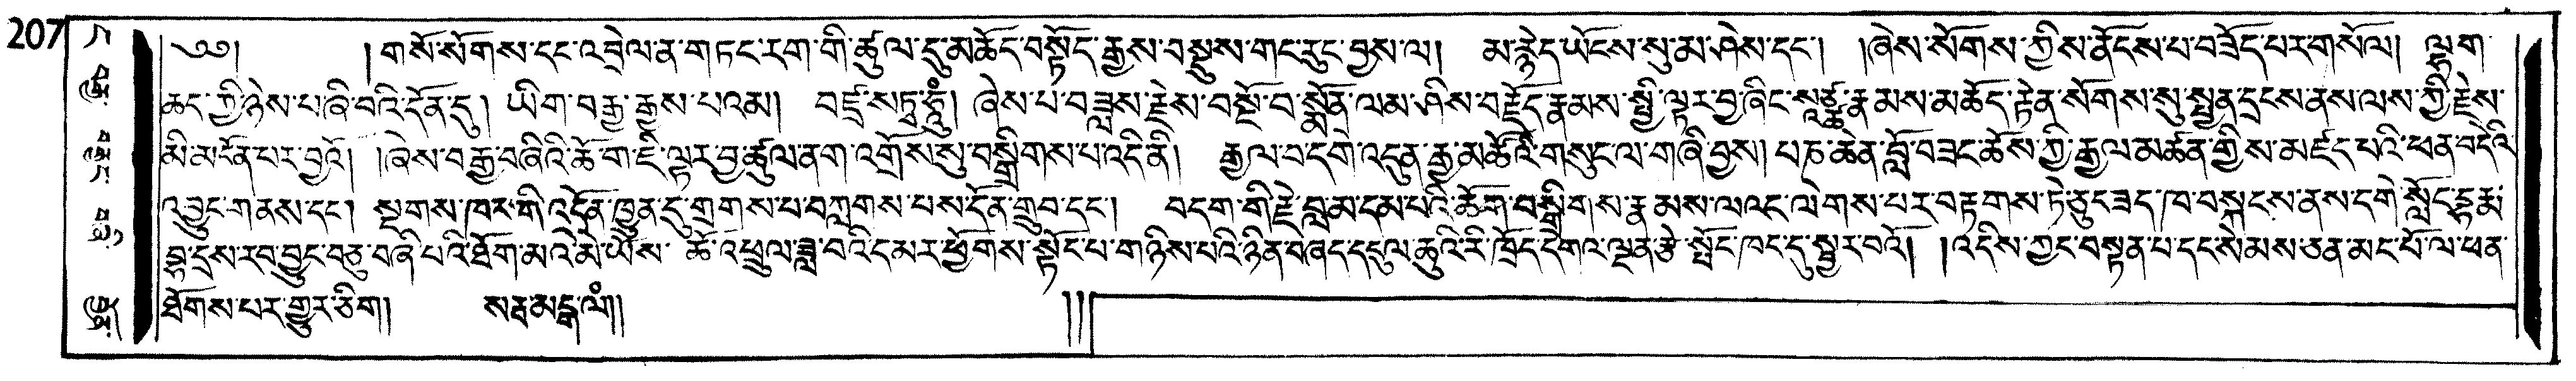༄༅། །གསོ་སོགས་དང་འབྲེལ་ན་གཏང་རག་གི་ཚུལ་དུ་མཆོད་བསྟོད་རྒྱས་བསྡུས་གང་རུང་བྱས་ལ། མ་རྙེད་ཡོངས་སུ་མ་ཤེས་དང་། །ཞེས་སོགས་ཀྱིས་ནོངས་པ་བཟོད་པར་གསོལ། ལྷག་
ཆད་ཀྱི་ཉེས་པ་ཞི་བའི་དོན་དུ། ཡིག་བརྒྱ་རྒྱས་པའམ། བྫྲ་སཏྭ་ཧཱུཾ། ཞེས་པ་བཟླས་རྗེས་བསྔོ་བ་སྨོན་ལམ་ཤིས་བརྗོད་རྣམས་སྤྱི་ལྟར་བྱ་ཞིང་སཱཙྪ་རྣམས་མཆོད་རྟེན་སོགས་སུ་སྤྱན་དྲངས་ནས་ལས་ཀྱི་རྗེས་
མི་མངོན་པར་བྱའོ། །ཞེས་བརྒྱ་བཞིའི་ཆོ་ག་ཇི་ལྟར་བྱ་ཚུལ་ནག་འགྲོས་སུ་བསྒྲིགས་པ་འདི་ནི། རྒྱལ་བ་དགེ་འདུན་རྒྱ་མཚོའི་གསུང་ལ་གཞི་བྱས། པཎ་ཆེན་བློ་བཟང་ཆོས་ཀྱི་རྒྱལ་མཚན་གྱིས་མཛད་པའི་ཕན་བདེའི་
འབྱུང་གནས་དང་། སྔགས་ཁང་གི་འདོན་ཁྱུན་དུ་གྲགས་པ་བཀླགས་པས་དོན་གྲུབ་དང་། བདག་གི་རྗེ་བླ་མ་དམ་པའི་ཆོག་བསྒྲིགས་རྣམས་ལའང་ལེགས་པར་བརྟགས་ཏེ་ཅུང་ཟད་ཁ་བསྐངས་ནས་དགེ་སློང་དྷརྨ་
བྷ་དྲས་རབ་བྱུང་བཅུ་བཞི་པའི་ཐོག་མའི་མེ་ཡོས་ཆོ་འཕྲུལ་ཟླ་བའི་དམར་ཕྱོགས་སྟོང་པ་གཉིས་པའི་ཉིན་བཞད་དངུལ་ཆུའི་རི་ཁྲོད་དགའ་ལྡན་རྩེ་སྤོང་ཁང་དུ་སྦྱར་བའོ། །འདིས་ཀྱང་བསྟན་པ་དང་སེམས་ཅན་མང་པོ་ལ་ཕན་
ཐོགས་པར་གྱུར་ཅིག །སརྦ་མངྒ་ལཾ།། །།